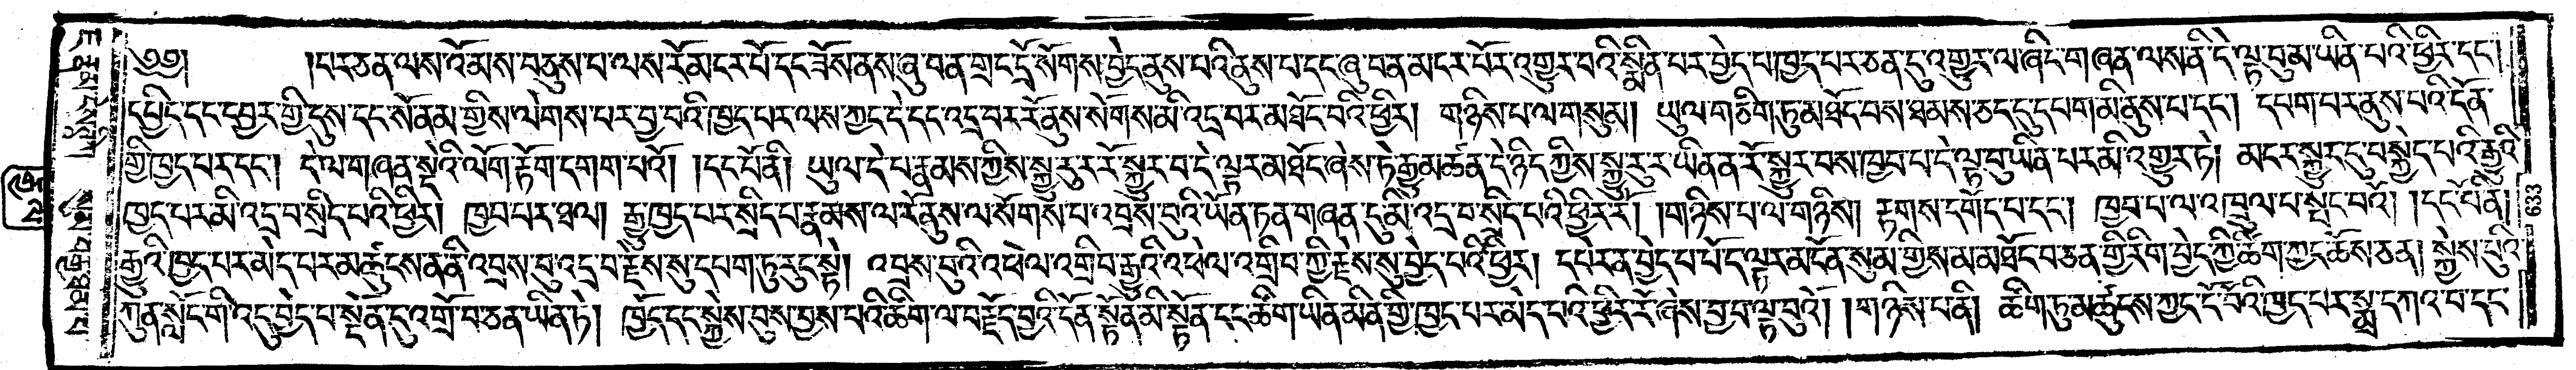༄༅། །པར་ཅན་ལས་འོ་མས་བཅུས་པ་ལས་རོ་མངར་བོ་དང་ཟོས་ནས་ཞུ་བ་ན་གྲང་དྲོ་སོགས་བྱེད་ནུས་པའི་ནུས་པ་དང་ཞུ་བ་ན་མངར་པོར་འགྱུར་བའི་སྨིན་པར་བྱེད་པ་ཁྱད་པར་ཅན་དུ་འགྱུར་ལ་ཞིང་གཞན་ལས་ནི་དེ་ལྟ་བུ་མ་ཡིན་པའི་ཕྱིར་དང་།
དཔྱིད་དང་དབྱར་གྱི་དུས་དང་སོ་ནམ་གྱིས་ལེགས་པར་བྱ་བའི་ཁྱད་པར་ལས་ཀྱང་དེ་དང་འདྲ་བར་རོ་ནུས་སོགས་མི་འདྲ་བར་མཐོང་བའི་ཕྱིར། གཉིས་པ་ལ་གསུམ། ཡུལ་གཅིག་ཏུ་མཐོང་བས་ཐམས་ཅད་དུ་དཔག་མི་ནུས་པ་དང་། དཔག་པར་ནུས་པའི་དོན་
གྱི་ཁྱད་པར་དང་། དེ་ལ་གཞན་སྡེའི་ལོག་རྟོག་དགག་པའོ། །དང་པོ་ནི། ཡུལ་དེ་པ་རྣམས་ཀྱིས་སྒྱུ་རུ་ར་རོ་སྒྱུར་བ་དེ་ལྟར་མཐོང་ཞེས་ཏེ་རྒྱུ་མཚན་དེ་ཉིད་ཀྱིས་སྐྱུ་རུ་ར་ཡིན་ན་རོ་སྒྱུར་བས་ཁྱབ་པ་དེ་ལྟ་བུ་ཡིན་པར་མི་འགྱུར་ཏེ། མངར་སྐྱུར་དུ་བསྐྱེད་པའི་རྒྱུའི་
ཁྱད་པར་མི་འདྲ་བ་སྲིད་པའི་ཕྱིར། ཁྱབ་པར་ཐལ། རྒྱུ་ཁྱད་པར་སྲིད་པ་རྣམས་ལ་རོ་ནུས་ལ་སོགས་པ་འབྲས་བུའི་ཡོན་ཏན་གཞན་དུ་མི་འདྲ་བ་སྲིད་པའི་ཕྱིར་རོ། །གཉིས་པ་ལ་གཉིས། རྟགས་དགོད་པ་དང་། ཁྱབ་པ་ལ་འཁྲུལ་པ་སྤང་བའོ། །དང་པོ་ནི།
རྒྱུའི་ཁྱད་པར་མེད་པར་མཚུངས་ན་ནི་འབྲས་བུ་འདྲ་བ་རྗེས་སུ་དཔག་ཏུ་རུང་སྟེ། འབྲས་བུའི་འཕེལ་འགྲིབ་རྒྱུའི་འཕེལ་འགྲིབ་ཀྱི་རྗེས་སུ་བྱེད་པའི་ཕྱིར། དཔེར་ན་བྱེད་པ་པོ་ད་ལྟར་མངོན་སུམ་གྱིས་མ་མཐོང་བ་ཅན་གྱི་རིག་བྱེད་ཀྱི་ཚིག་ཀྱང་ཆོས་ཅན། སྐྱེས་བུའི་
ཀུན་སློང་གི་འདུ་བྱེད་པ་སྔོན་དུ་འགྲོ་བ་ཅན་ཏེ། ཁྱོད་དང་སྐྱེས་བུས་བྱས་པའི་ཚིགས་ལ་བརྗོད་བྱའི་དོན་སྟོན་མི་སྟོན་དང་ཚིག་ཡིན་མིན་གྱི་ཁྱད་པར་མེད་པའི་ཕྱིར་རོ་ཞེས་བྱ་བ་ལྟ་བུའོ། །གཉིས་པ་ནི། ཚིག་ཏུ་མཚུངས་ཀྱང་ངོ་བོའི་ཁྱད་པར་སྨྲ་དཀའ་བ་དང་